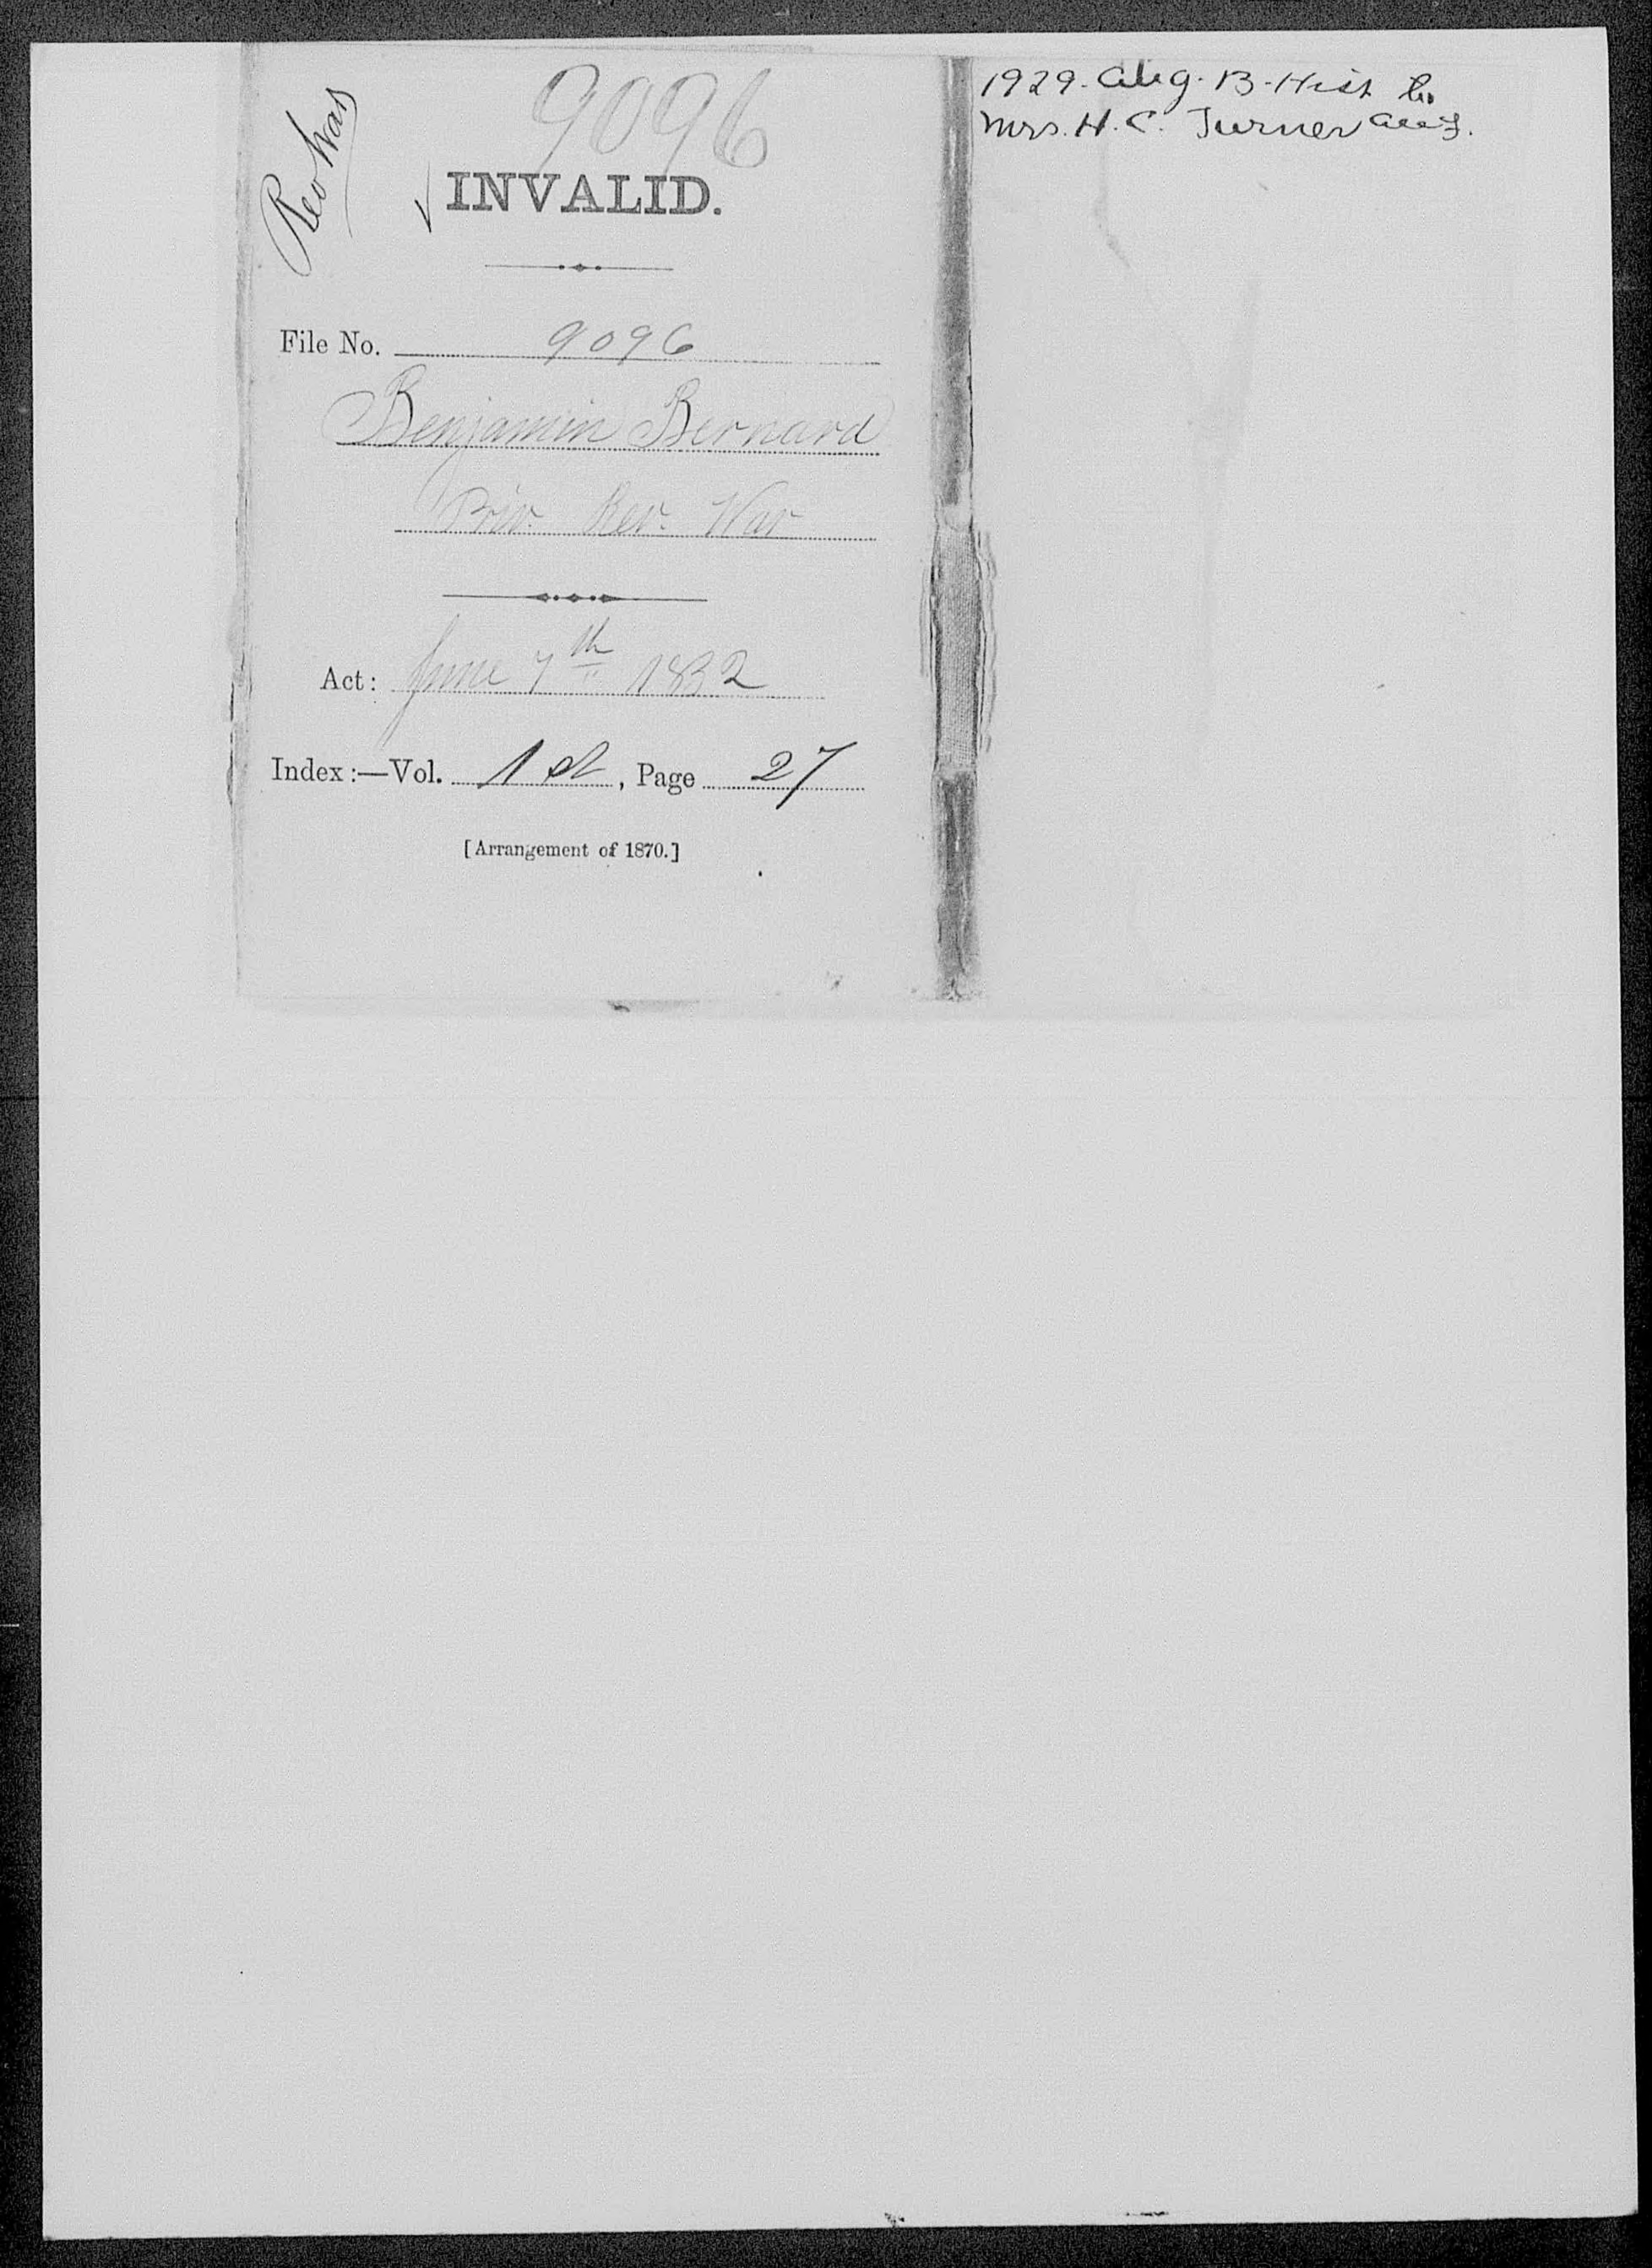Rev War
9096
INVALID
File No. 9096
Benjamin Bernard
Private Rev. War
Act:  June 7th, 1832
Index: ___ Vol. 1st Page 27

1979 Aug. 13
Mr. H.C. Turner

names: Benjamin Bernard, H C Turner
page: 13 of 18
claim: survivor's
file: S. 9096, Benjamin Barnard, Va.